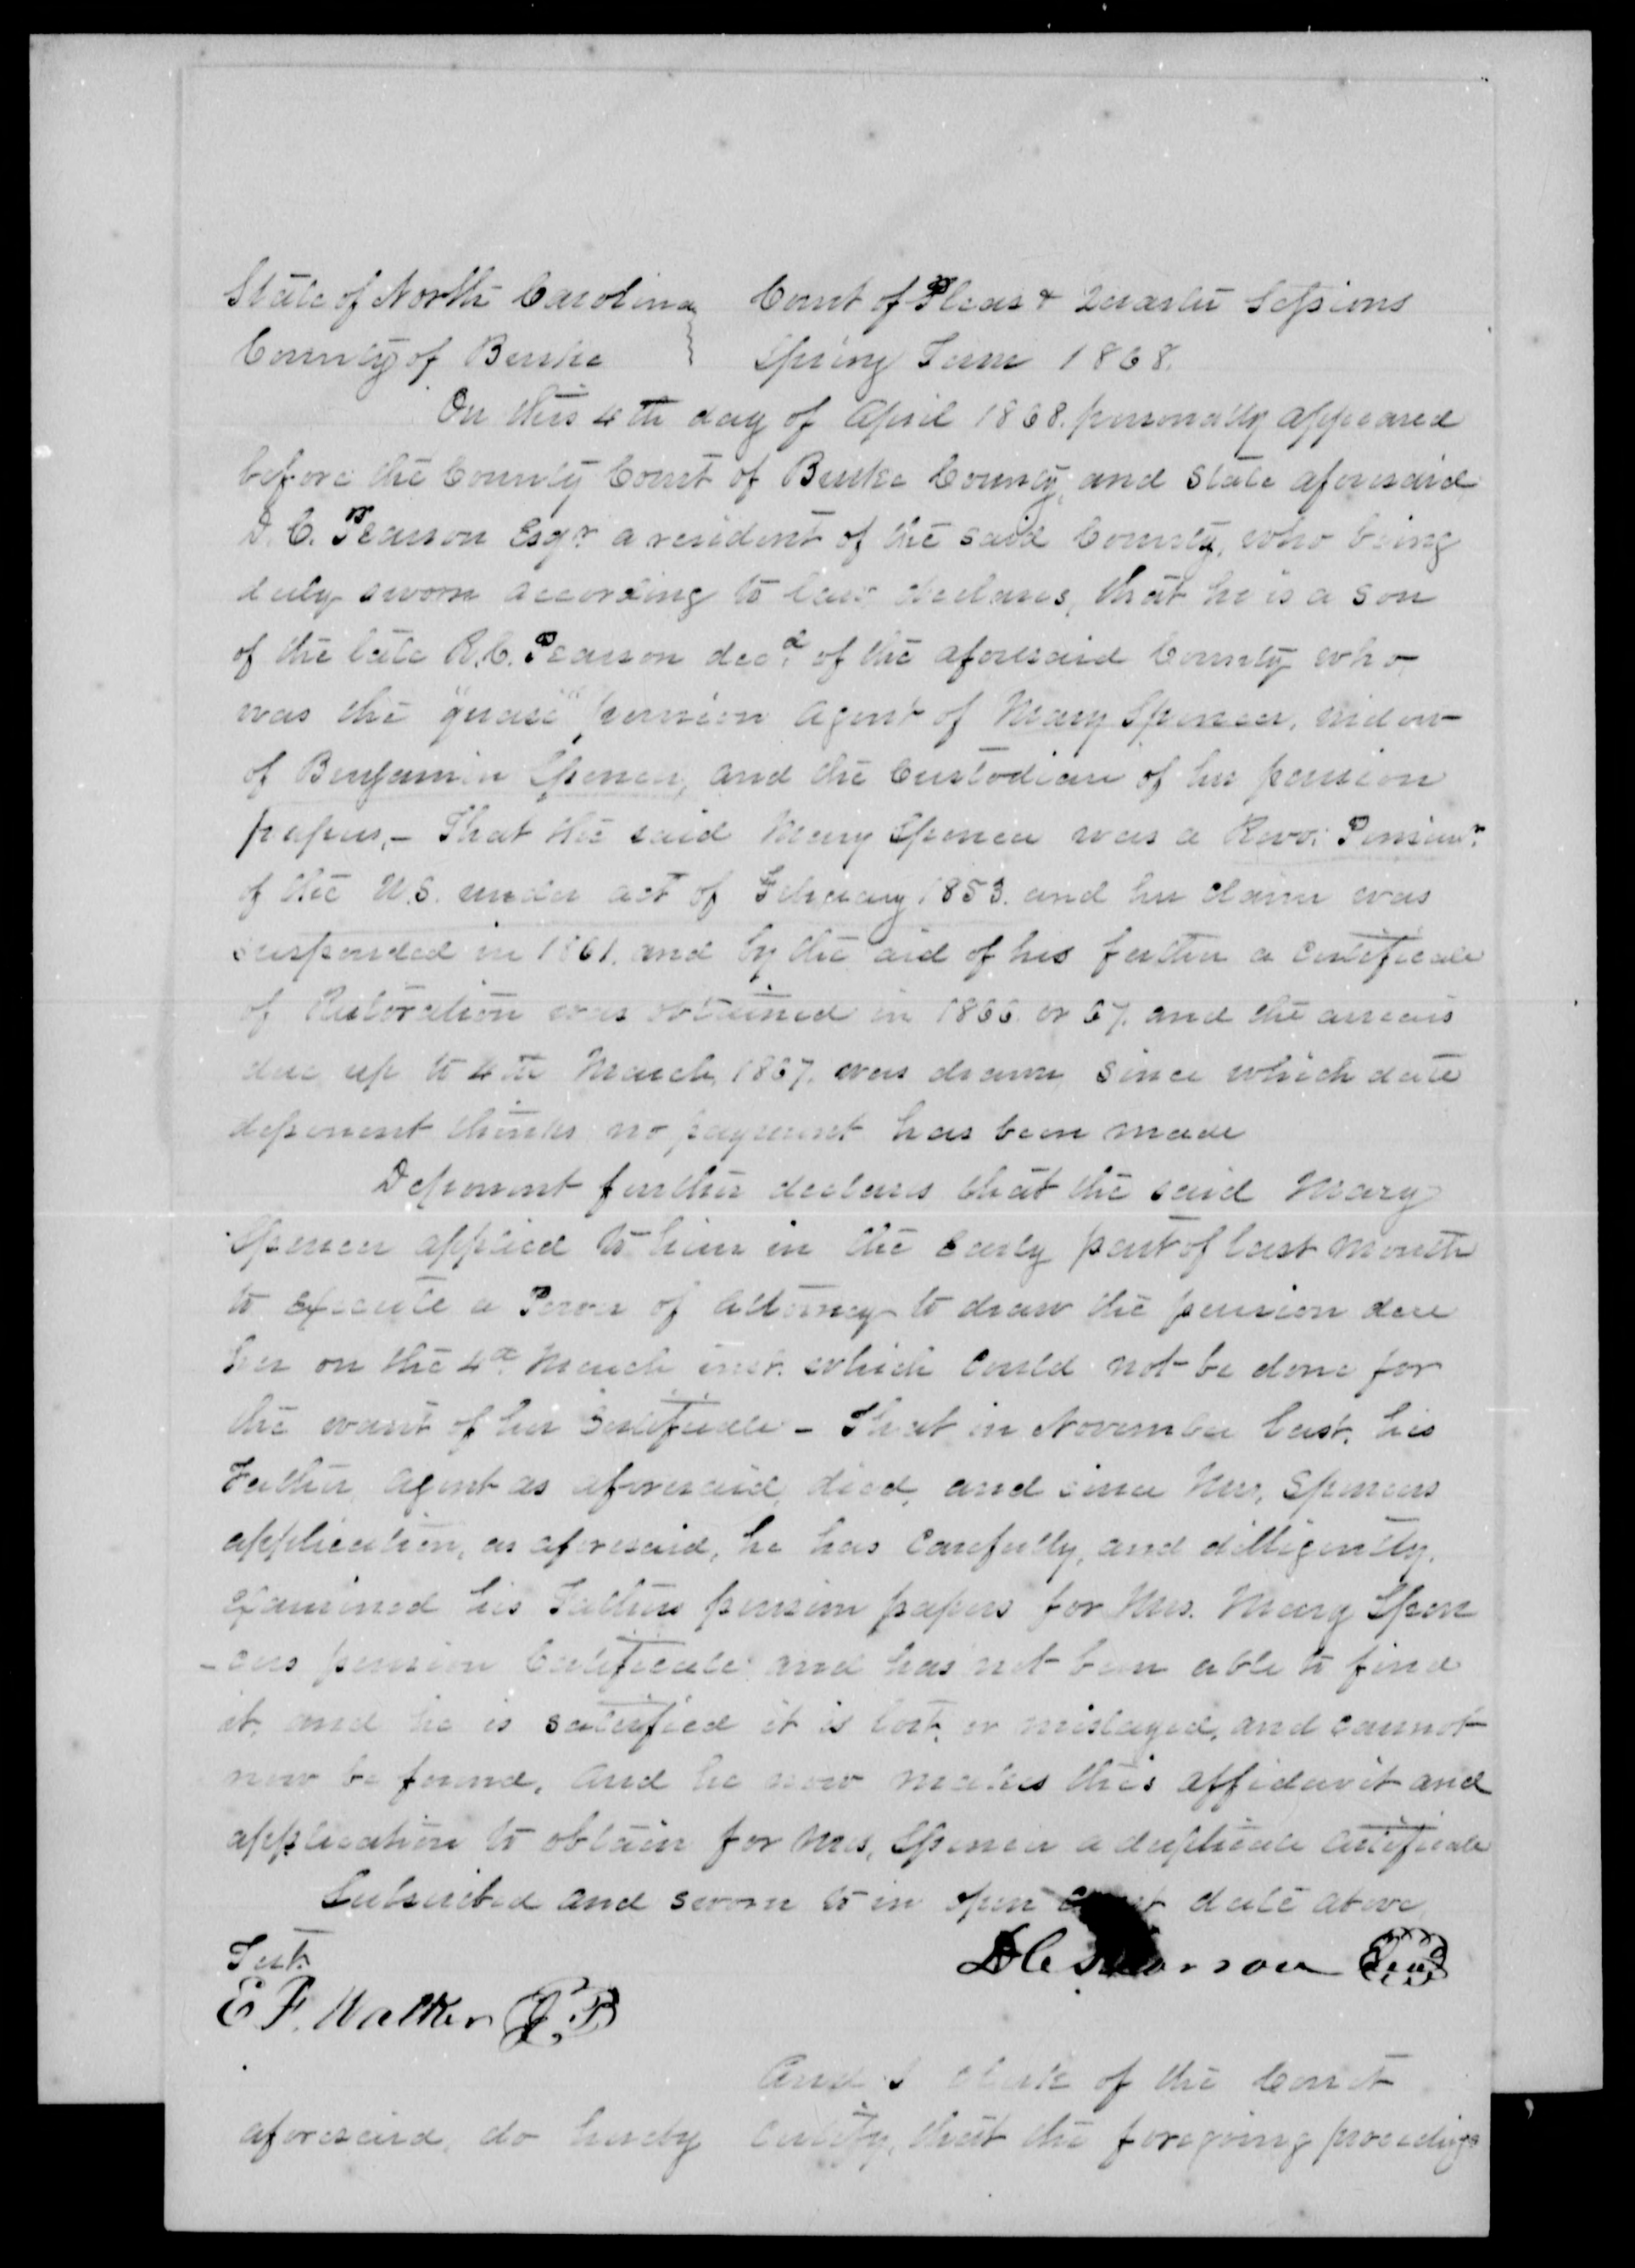State of North Carolina
County of Burke
Court of Pleas & Quarter Sessions
Spring Term 1868.
On this 4th day of April 1868 personally appeared
before the County Court of Burke County and State aforesaid
D.C. Pearson Esqr a resident of the said County, who being
duly sworn according to law declares, that he is a son
of the late R.C. Pearson dec'd. of the aforesaid County who
was the "quase" pension agent of Mary Spencer, widow
of Benjamin Spencer, and the Custodian of his pension
papers- That the said Mary Spencer was a Rev. Pensioner
of the U.S. under act of February, 1853, and her claim was
suspended in 1861. and by the aid of his father a certificate
of Restoration was obtained in 1866 or 67 and the arrears
due up to 4th March 1867 was drawn since which date
deponent thinks no payment has been made
Deponent further declares that the said Mary
Spencer applied to him in the early part of last month
to execute a power of attorney to draw the pension due
her on the 4th March inst. which could not be done for
the want of her certificate - That in November last, his
Father Agent as aforesaid, died, and since Mrs, Spencers
application, as aforesaid, he has carefully, and diligently
examined his Father pension papers for Mrs. Mary Spencer
a pension certificate and has not been able to find
it, and he is satisfied it is lost or mislaid, and cannot
now be found, and he now makes this affidavit and
application to obtain for Mrs. Spencer a duplicate Certificate
Subscribed and sworn to in open court
date above
Test
D. C. Pearson
E. F. Walker J.P. 

And I clerk of the Court
aforesaid do hereby certify, that the foregoing proceedings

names: D C Pearson; Benjamin Spencer; Mary Spencer; E F Walker; [BLANK] Spencer; Mary Spencer; R C Pearson; Mary Spencer; Mary Spencer; D C Pearson; [BLANK] Spencer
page: 46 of 63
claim: widow's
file: W. 6158, for Benjamin Spencer, North Carolina